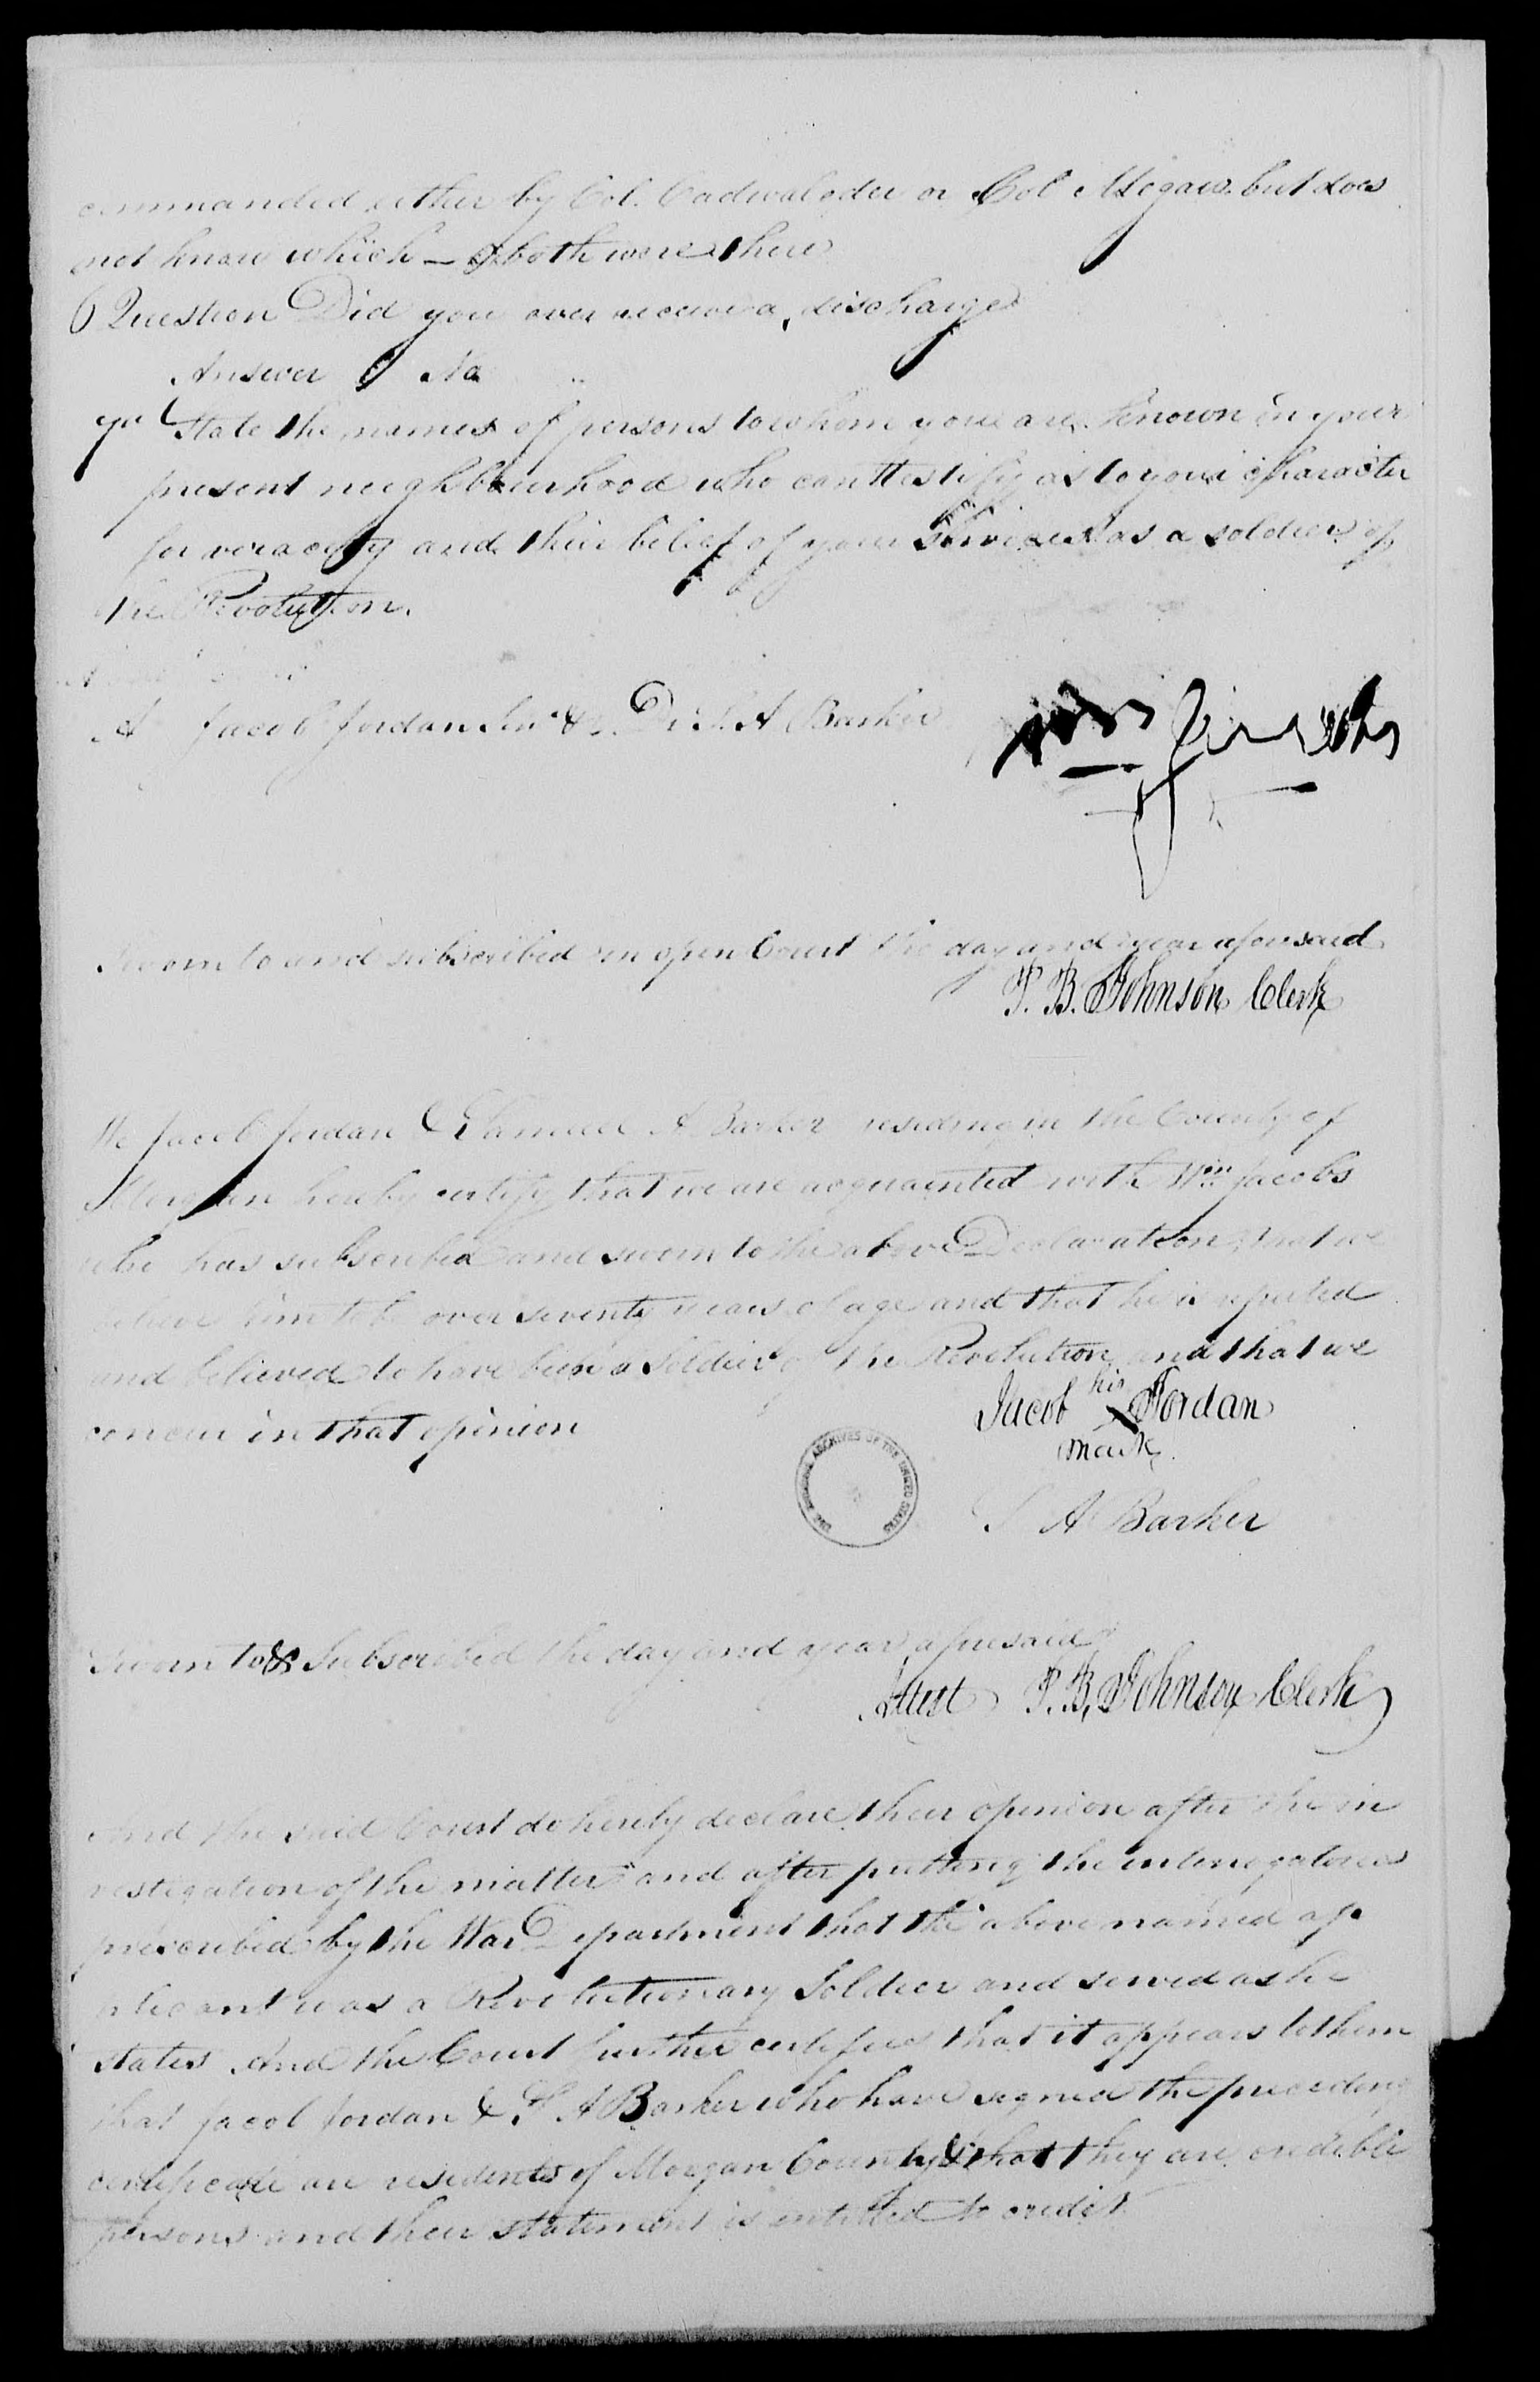commanded either by Col. Cadwalader or Col [?] but does not know which—both were there 

6 Question Did you ever receive a discharge 

Answer No 

7th State the names of persons to whom you are known in your 
present neighbourhood who can testify as to your character for veracity and their belief of your Service as a soldier of the Revolution.

A. Jacob Jordan [?] & Samuel [?] A. Barker

Wm Jacobs

Sworn to and subscribed in open Court the day and year aforesaid 
P. B. Johnson Clerk 

We Jacob Jordan & Samuel A Barker residing in the County 
of Morgan hereby certify that we are acquainted with Wm Jacobs 
who has subscribed and sworn to the above Declaration, and we 
believe him to over seventy years of age and that he is reported and believed to have been a soldier of the Revolution and that we concur in that opinion 
Jacob Jordan his X Mark
S A Barker 

Sworn to & subscribed the day and year aforesaid Attest P.B. Johnson Clerk 

[stamp] THE NATIONAL ARCHIVES OF THE UNITED STATES 

And the said Court do hereby declare their opinion after the 
investigation of the matter and after putting the interrogatories 
prescribed by the War Department that the above named 
applicant was a Revolutionary Soldier and served as he 
states. And the Court further certifies that it appears to them 
that Jacob Jordan & S A Barker who have signed the preceding 
certificate are residents of Morgan County & that they are credible 
persons and their statement is entitled to credit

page: 10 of 23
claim: survivor's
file: S. 2289, for William Jacobs, Maryland